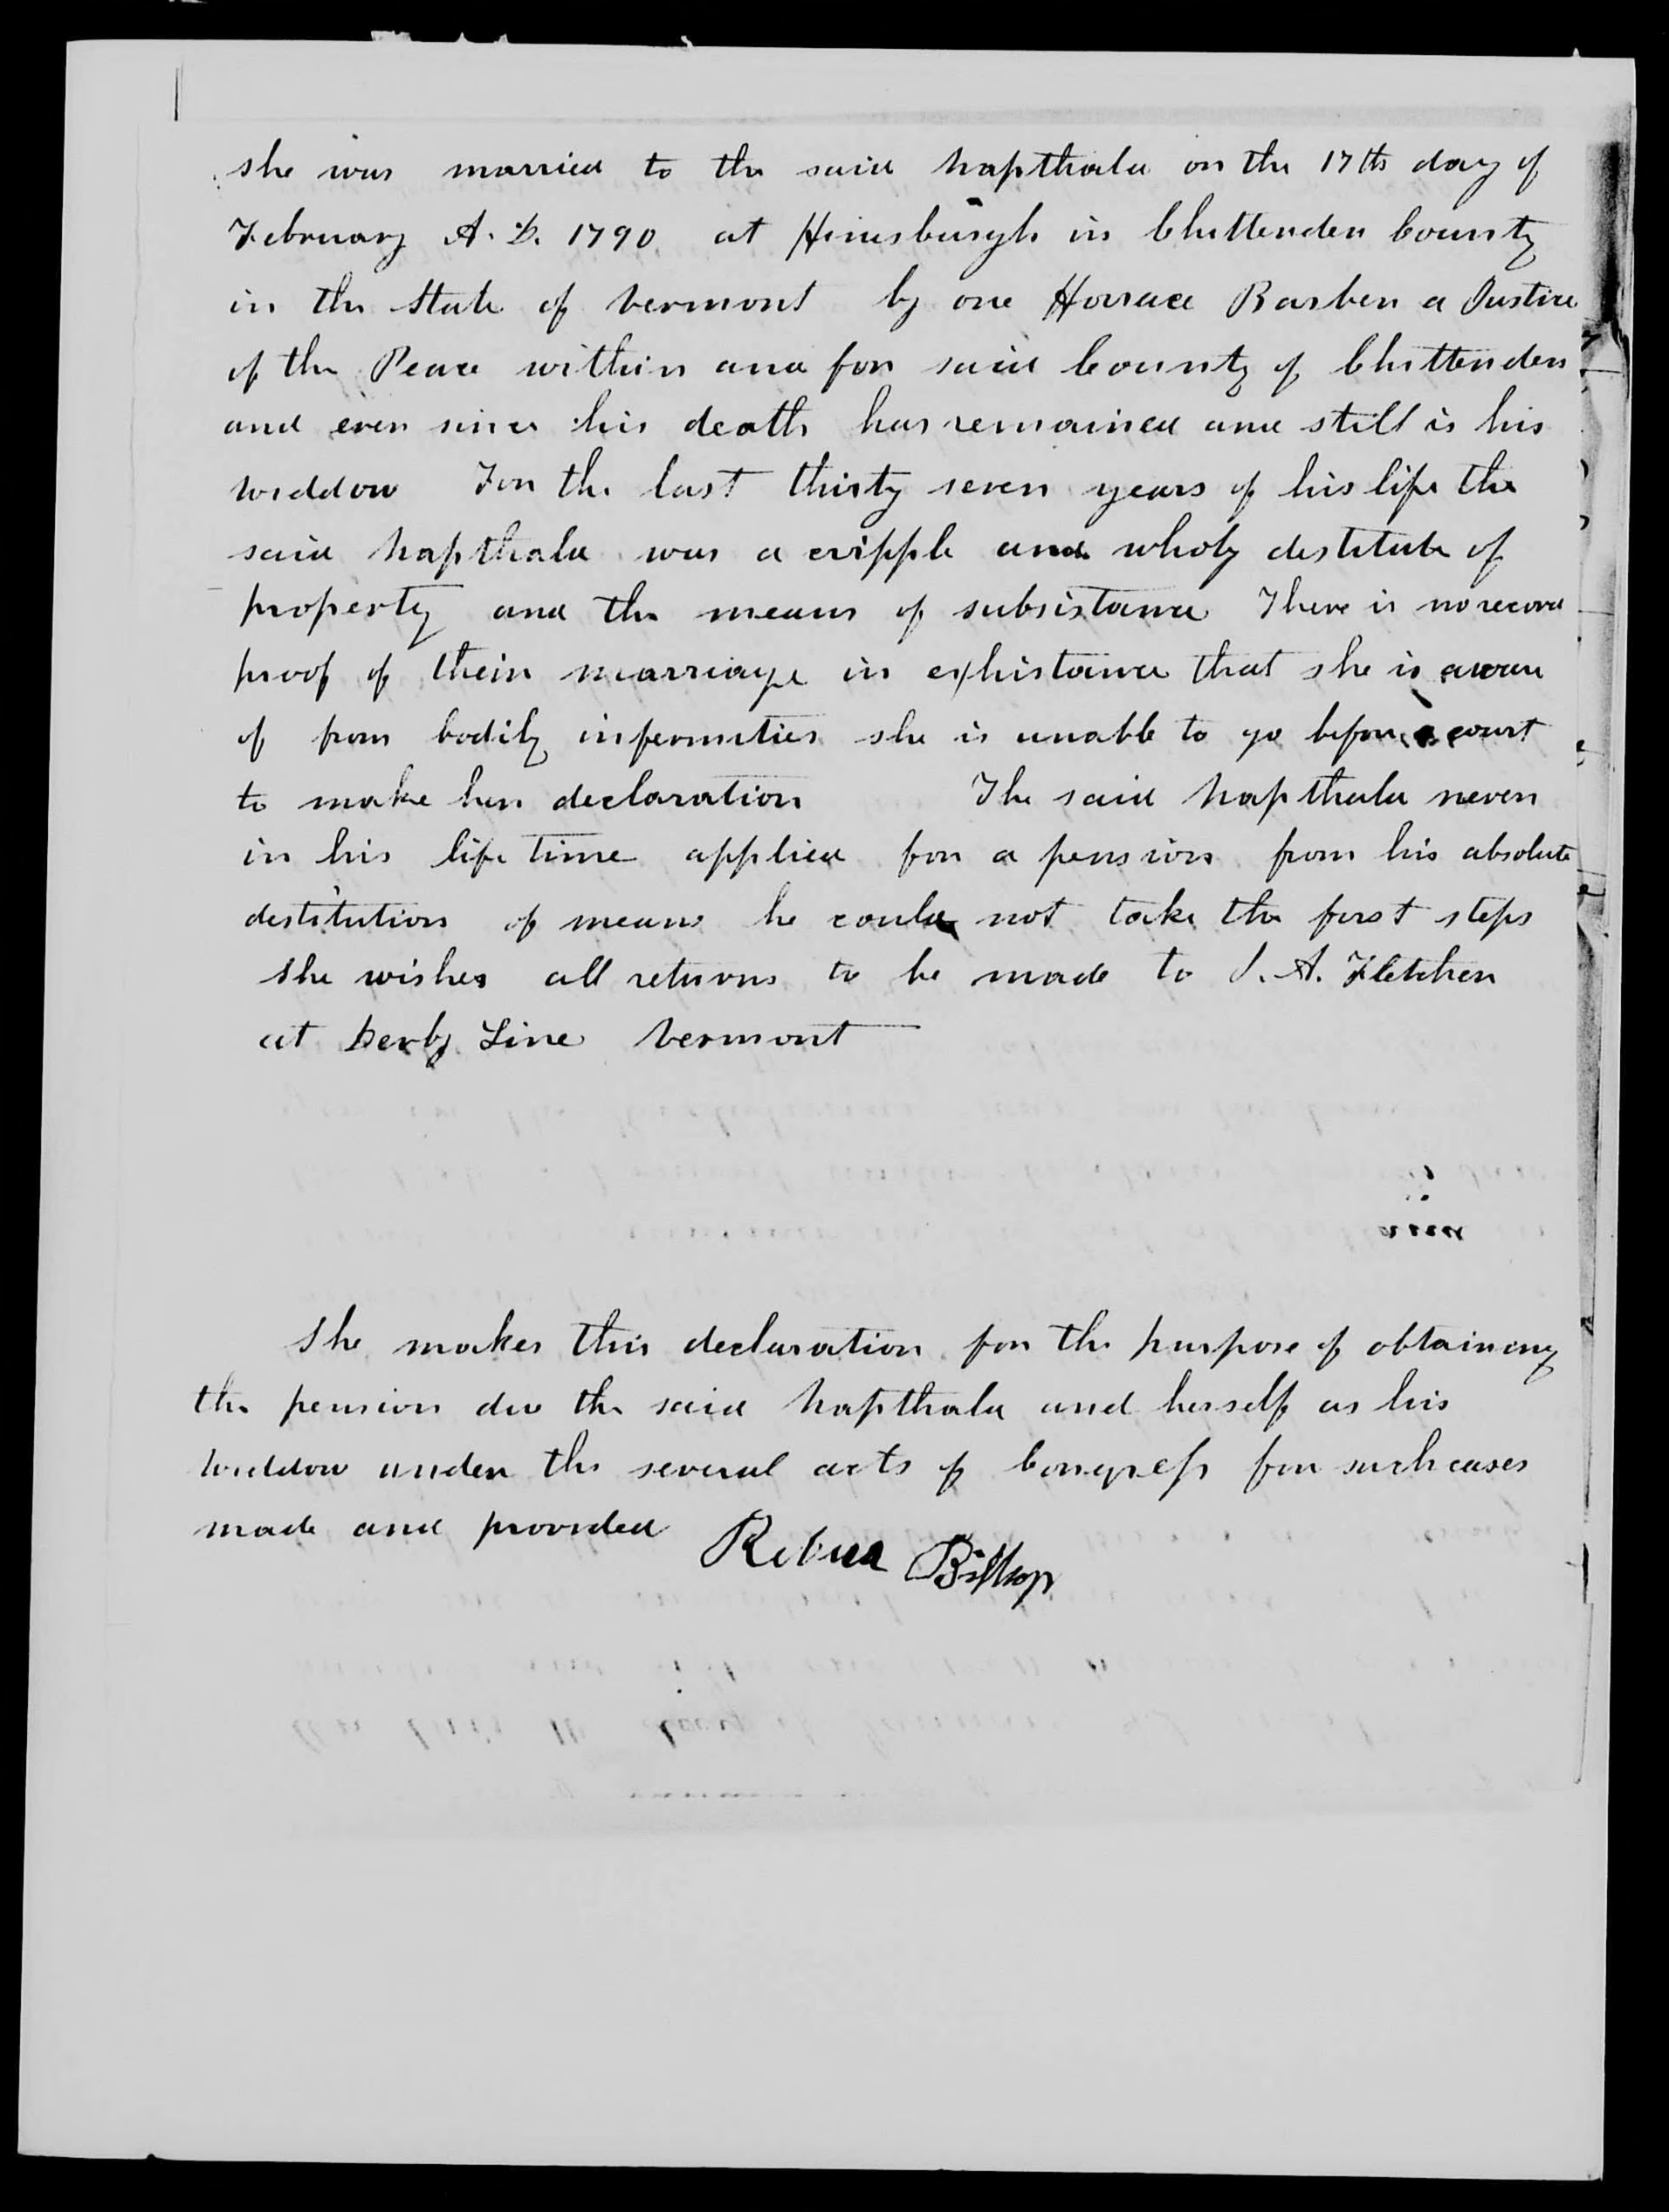she was married to the said Napthala on the 17the day of February A.D. 1790 at Himesburgh in Chittenden County in the State of Vermont by one Horrace Barber a Justice of the Peace within and for said County of Chittenden and ever since his death has remained and still is his widdow For the last thirty seven years of his life the said Napthala was a cripple and wholy destitute of property and the means of subsistance There is no record proof of their marriage in exhistence that she is proven of poor bodily infirmities she is unable to go before court to make her declaration The said Napthala never in his life time applied for a pension from his absolute destitution of means he could not take the first steps She wishes all returns to be made to J. A. Fletcher at Derby Line Vermont

She makes the declaration for the purpose of obtaining the pension due the said Napthala and herself as his widdow under the several acts of Congress for such cases made and provided
/s/Rebeca Bishop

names: Napthala, Napthala, J A Fletcher, Horrace Barber, Napthala, Napthala, Rebeca Bishop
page: 20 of 27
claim: rejected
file: R. 865, Napthala Bishop, Vt.